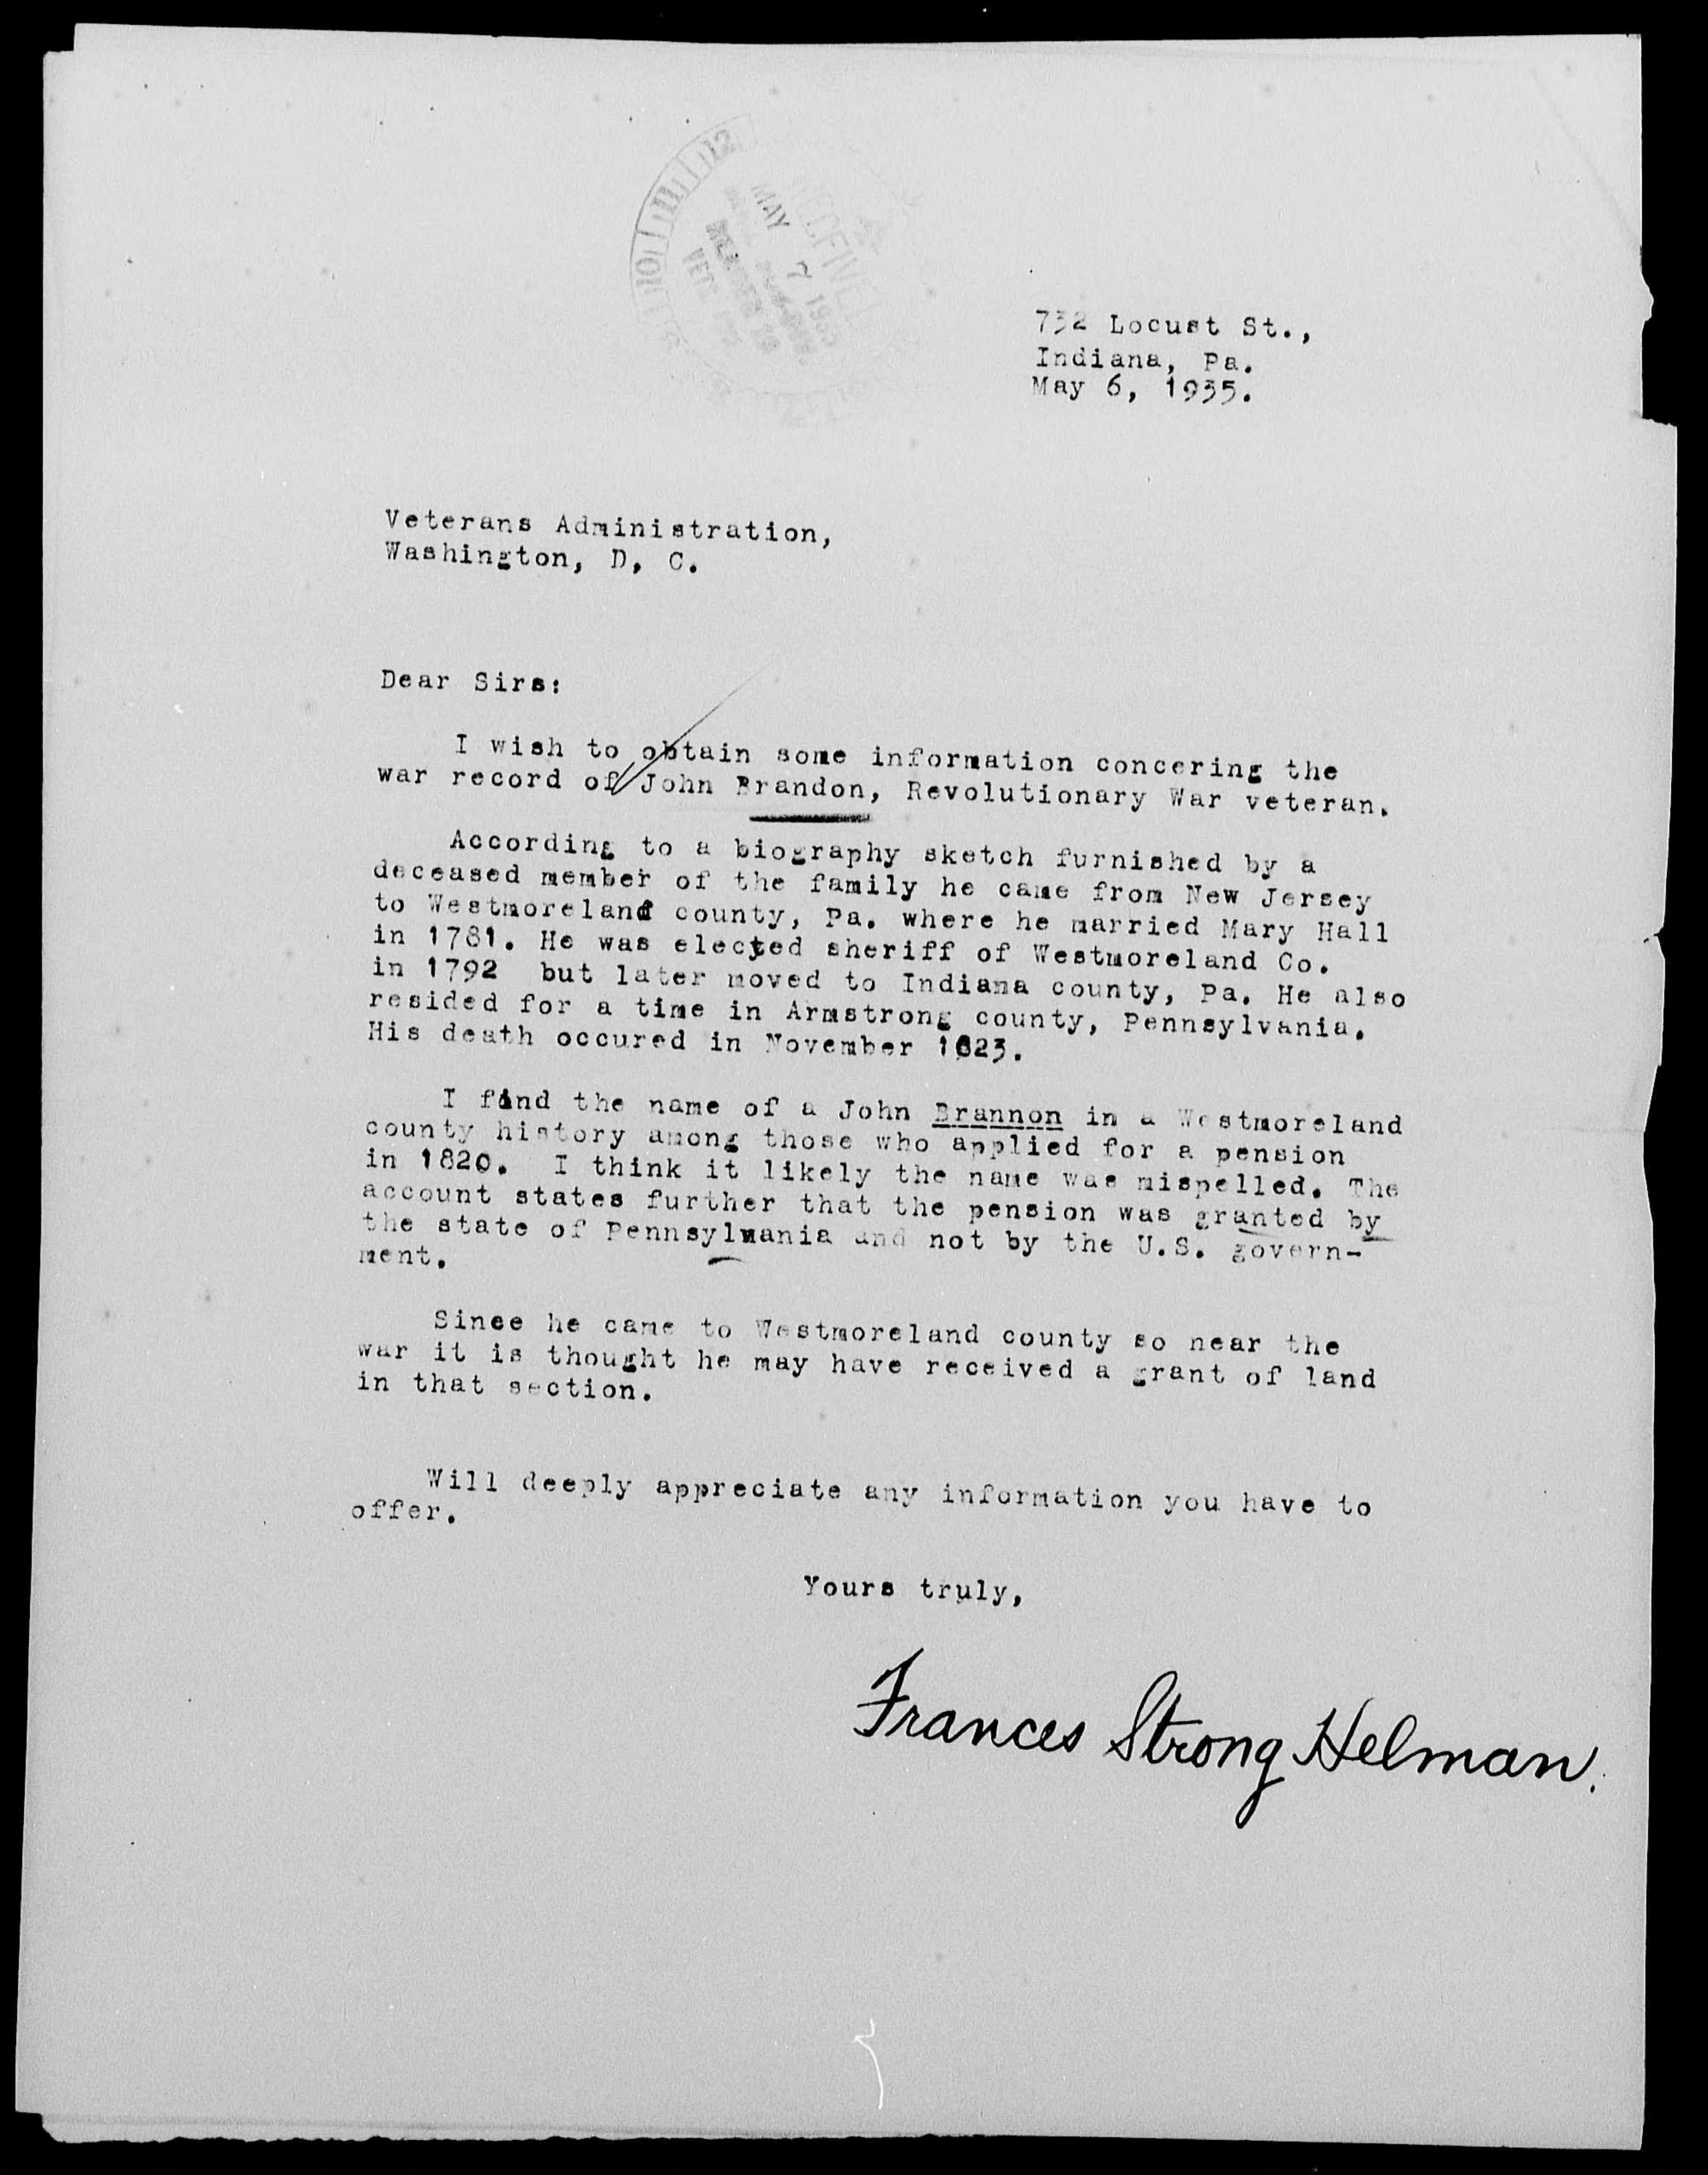[stamp]
RECEIVED
MAY 7 1935
MAIL SUB-DIV.
READER 19
VETS. ADM.

732 Locust St.,
Indian, Pa.
May 6, 1935.

Veterans Administration,
Washington, D. C.

Dear sirs:

I wish to obtain some information concering [concerning] the war record of John Brandon, Revolutionary War veteran.

According to a biography sketch furnished by a deceased member of the family he came from New Jersey to Westmoreland county, Pa. where he married Mary Hall in 1781. He was elected sheriff of Westmoreland Co. in 1792 but later moved to Indiana county, Pa. He also resided for a time in Armstrong county, Pennsylvania. His death occurred in November 1823.

I find the name of a John Brannon in a Westmoreland county history among those who applied for a pension in 1820. I think it likely the name was mispelled [misspelled]. The account states further that the pension was granted by the state of Pennsylvania and not by the U.S. government.

Since he came to Westmoreland county so near the war it is thought he may have received a grant of land in that section.

Will deeply appreciate any information you have to offer.
Yours truly,
Frances Strong Helman.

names: Mary Hall, John Brannon, Frances Strong Helman, John Brandon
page: 63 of 83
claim: widow's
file: W. 5946, John Brandon, Penn